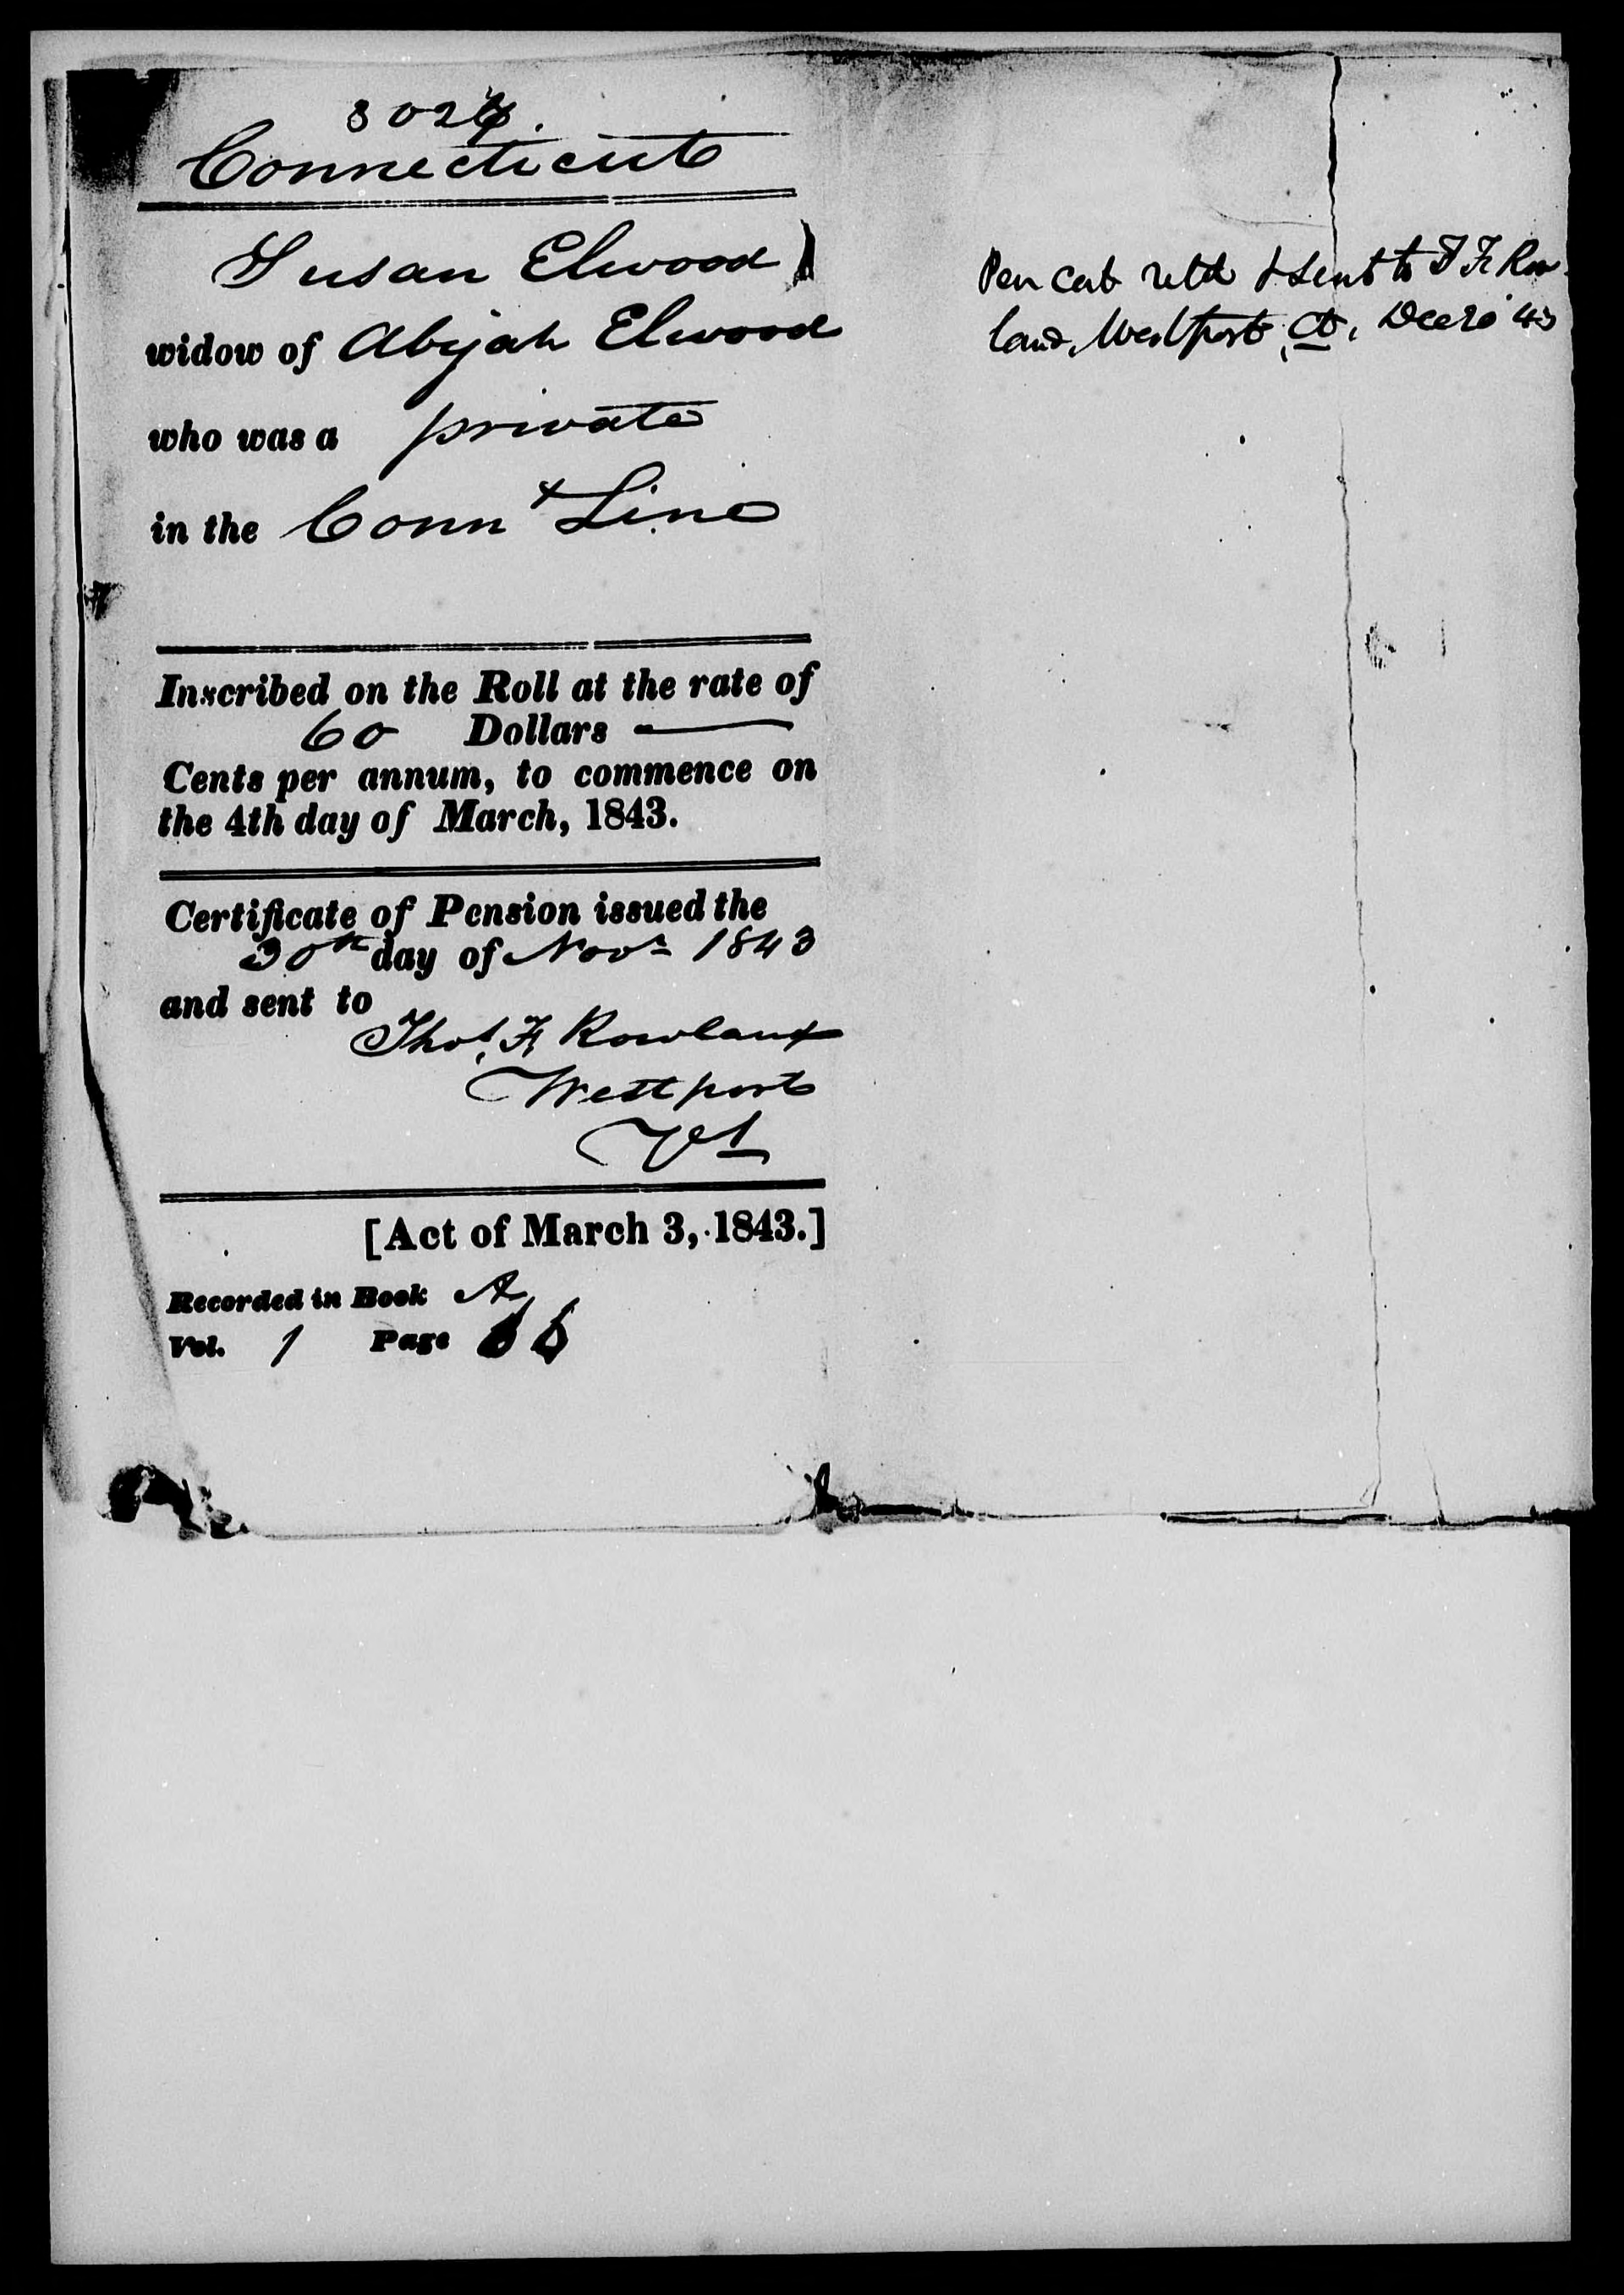3024
Connecticut

Susan Elwood
widow of Abijah Elwood who was a private in the Conn Line

Inscribed on the Roll at the rate of 60 dollars ----cents per annum, to commence on the 4th day of March, 1843.

Certificate of Pension issued the 30th day of Nov 1843 and sent to Tho F Rowland Westport Vt

[Act of March 3, 1843]

Recorded in Book A Vol. 1 Page 66


Pen crt with & sent to T F Rowland Westport Ct, [unk] 45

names: Thos F Rowland, T F Rowland, Abijah Elwood, Susan Elwood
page: 48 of 69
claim: widow's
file: W. 25562, Abijah Elwood, Conn.